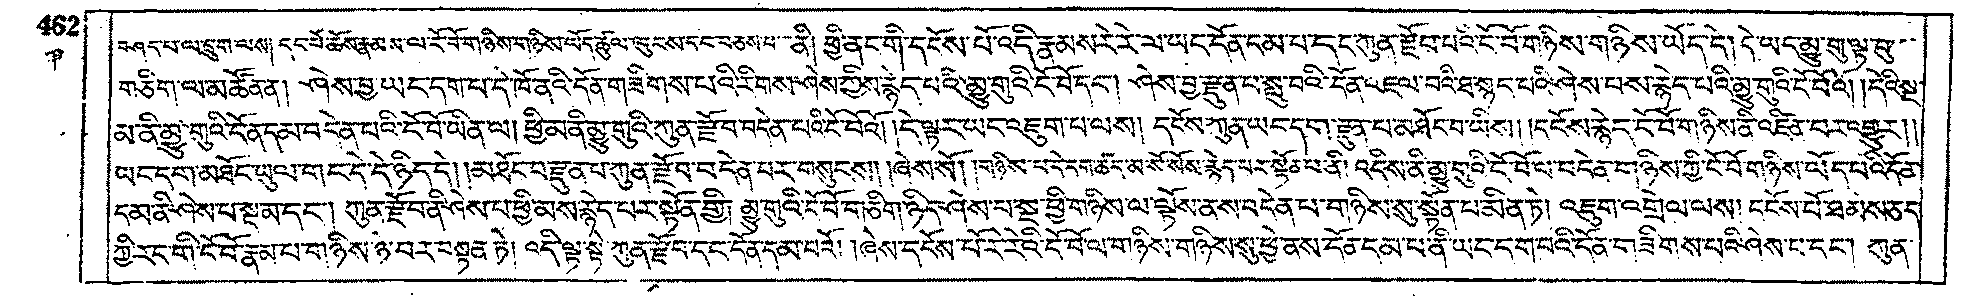བཤད་པ་ལ་དྲུག་ལས། དང་པོ་ཆོས་རྣམས་ལ་ངོ་བོ་གཉིས་གཉིས་ཡོད་ཚུལ་ཁུངས་དང་བཅས་པནི། ཕྱི་ནང་གི་དངོས་པོ་འདི་རྣམས་རེ་རེ་ལ་ཡང་དོན་དམ་པ་དང་ཀུན་རྫོབ་པའི་ངོ་བོ་གཉིས་གཉིས་ཡོད་དེ། དེ་ཡང་མྱུ་གུ་ལྟ་བུ་
གཅིག་ལ་མཚོན་ན། ཤེས་བྱ་ཡང་དག་པ་དེ་ཁོ་ནའི་དོན་གཟིགས་པའི་རིགས་ཤེས་ཀྱིས་རྙེད་པའི་མྱུ་གུའི་ངོ་བོ་དང་། ཤེས་བྱ་རྫུན་པ་སླུ་བའི་དོན་འཇལ་བའི་ཐ་སྙད་པའི་ཤེས་པས་རྙེད་པའི་མྱུ་གུའི་ངོ་བོའོ། །དེའི་སྔ་
མ་ནི་མྱུ་གུའི་དོན་དམ་བདེན་པའི་ངོ་བོ་ཡིན་ལ། ཕྱི་མ་ནི་མྱུ་གུའི་ཀུན་རྫོབ་བདེན་པའི་ངོ་བོའོ། །དེ་ལྟར་ཡང་འཇུག་པ་ལས། དངོས་ཀུན་ཡང་དག་རྫུན་པ་མཐོང་བ་ཡིས། །དངོས་རྙེད་ངོ་བོ་གཉིས་ནི་འཛིན་པར་འགྱུར། །
ཡང་དག་མཐོང་ཡུལ་གང་དེ་དེ་ཉིད་དེ། །མཐོང་བ་རྫུན་པ་ཀུན་རྫོབ་བདེན་པར་གསུངས། །ཞེས་སོ། །གཉིས་པ་དེ་དག་ཚད་མ་སོ་སོས་རྙེད་པར་སྟོན་པ་ནི།  འདིས་ནི་མྱུ་གུའི་ངོ་བོ་ལ་བདེན་གཉིས་ཀྱི་ངོ་བོ་གཉིས་ཡོད་པའི་དོན་
དམ་ནི་ཤེས་པ་སྔ་མ་དང་། ཀུན་རྫོབ་ནི་ཤེས་པ་ཕྱི་མས་རྙེད་པར་སྟོན་གྱི། མྱུ་གུའི་ངོ་བོ་གཅིག་ཉིད་ཤེས་པ་སྔ་ཕྱི་གཉིས་ལ་ལྟོས་ནས་བདེན་པ་གཉིས་སུ་སྟོན་པ་མིན་ཏེ། འཇུག་འགྲེལ་ལས། དངོས་པོ་ཐམས་ཅད་
ཀྱི་རང་གི་ངོ་བོ་རྣམ་པ་གཉིས་ཉེ་བར་བསྟན་ཏེ། འདི་ལྟ་སྟེ་ཀུན་རྫོབ་དང་དོན་དམ་པའོ། །ཞེས་དངོས་པོ་རེ་རེའི་ངོ་བོ་ལ་གཉིས་གཉིས་སུ་ཕྱེ་ནས་དོན་དམ་པ་ནི་ཡང་དག་པའི་དོན་གཟིགས་པའི་ཤེས་པ་དང་། ཀུན་